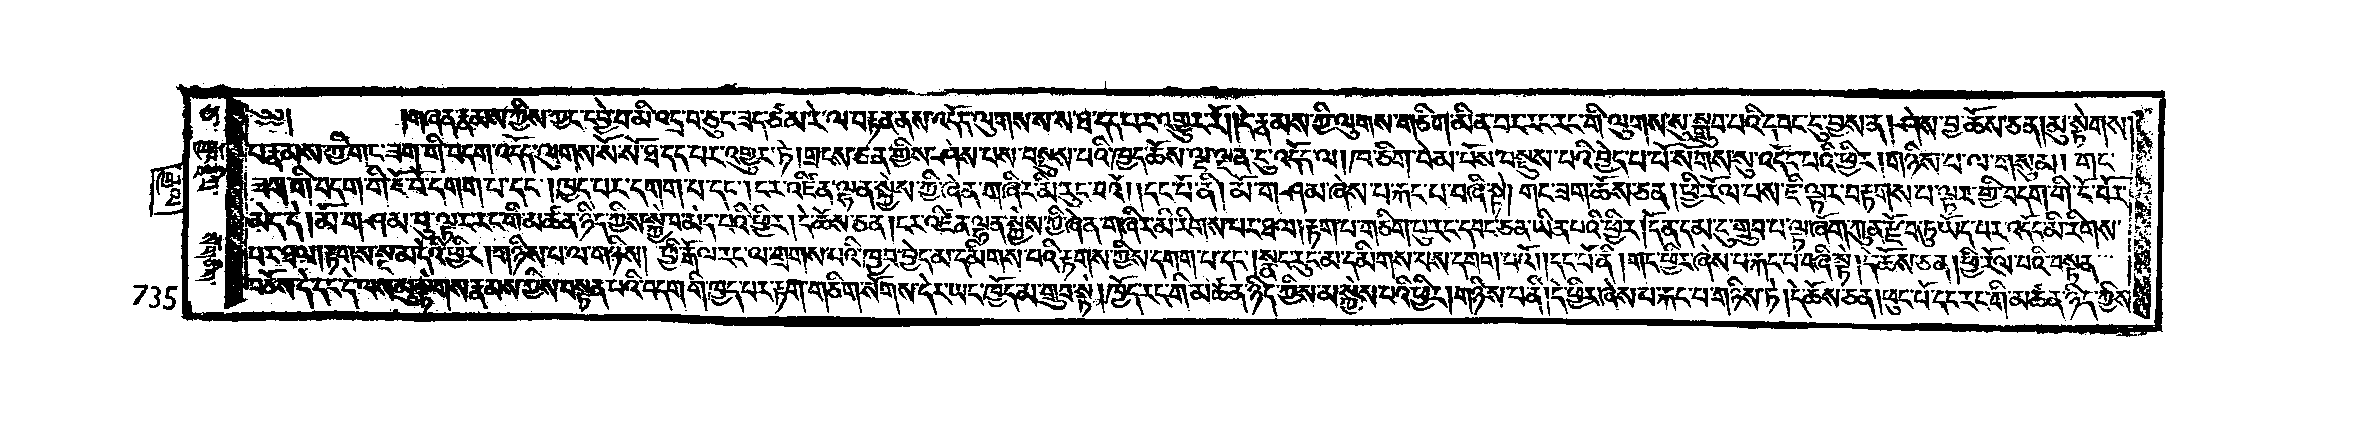༄༅། །གཞན་རྣམས་ཀྱིས་ཀྱང་དབྱེ་བ་མི་འདྲ་བ་ཅུང་ཟད་ཙམ་རེ་ལ་བརྟན་ནས་འདོད་ལུགས་སོ་སོ་ཐ་དད་པར་འགྱུར་རོ། །དེ་རྣམས་ཀྱི་ལུགས་གཅིག་མིན་བར་རང་རང་གི་ལུགས་སུ་སྒྲུབ་པའི་དབང་དུ་བྱས་ན། ཤེས་བྱ་ཆོས་ཅན། མུ་སྟེགས་
པ་རྣམས་ཀྱི་གང་ཟག་གི་བདག་འདོད་ལུགས་སོ་སོ་ཐ་དད་པར་འགྱུར་ཏེ། གྲངས་ཅན་གྱིས་ཤེས་པས་བསྡུས་པའི་ཁྱད་ཆོས་ལྔ་ལྡན་དུ་འདོད་ལ། ཁ་ཅིག་བེམ་པོས་བསྡུས་པའི་བྱེད་པ་པོ་སོགས་སུ་འདོད་པའི་ཕྱིར། གཉིས་པ་ལ་གསུམ། གང་
ཟག་གི་བདག་གི་ངོ་བོ་དགག་པ་དང་། ཁྱད་པར་དགག་པ་དང་། ངར་འཛིན་ལྷན་སྐྱེས་ཀྱི་ཞེན་གཞིར་མི་རུང་བའོ། །དང་པོ་ནི། མོ་གཤམ་ཞེས་པ་རྐང་པ་བཞི་སྟེ། གང་ཟག་ཆོས་ཅན། ཕྱི་རོལ་པས་ཇི་ལྟར་བརྟགས་པ་ལྟར་གྱི་བདག་གི་ངོ་བོར་
མེད་དེ། མོ་གཤམ་བུ་ལྟར་རང་གི་མཚན་ཉིད་ཀྱིས་སྐྱེ་བ་མེད་པའི་ཕྱིར། དེ་ཆོས་ཅན། ངར་འཛིན་ལྷན་སྐྱེས་ཀྱི་ཞེན་གཞིར་མི་རིགས་པར་ཐལ། རྟག་པ་གཅིག་པུ་རང་དབང་ཅན་ཡིན་པའི་ཕྱིར། དོན་དམ་དུ་གྲུབ་པ་ལྟ་ཞོག་ཀུན་རྫོབ་ཏུ་ཡོད་པར་འདོད་མི་རིགས་
པར་ཐལ། རྟགས་སྔ་མ་དེའི་ཕྱིར། གཉིས་པ་ལ་གཉིས། ཕྱི་རྒོལ་རང་ལ་གྲགས་པའི་ཁྱབ་བྱེད་མ་དམིགས་པའི་རྟགས་ཀྱིས་དགག་པ་དང་། སྣང་རུང་མ་དམིགས་པས་དགག་པའོ། །དང་པོ་ནི། གང་ཕྱིར་ཞེས་པ་རྐང་པ་བཞི་སྟེ། དེ་ཆོས་ཅན། ཕྱི་རོལ་པའི་བསྟན་
བཅོས་དེ་དང་དེ་ལས་མུ་སྟེགས་རྣམས་ཀྱིས་བསྟན་པའི་བདག་གི་ཁྱད་པར་རྟག་གཅིག་སོགས་དེར་ཡང་ཁྱོད་མ་གྲུབ་སྟེ། ཁྱོད་རང་གི་མཚན་ཉིད་ཀྱིས་མ་སྐྱེས་པའི་ཕྱིར། གཉིས་པ་ནི། དེ་ཕྱིར་ཞེས་པ་རྐང་པ་གཉིས་ཏེ། དེ་ཆོས་ཅན། ཕུང་པོ་དང་རང་གི་མཚན་ཉིད་ཀྱིས་